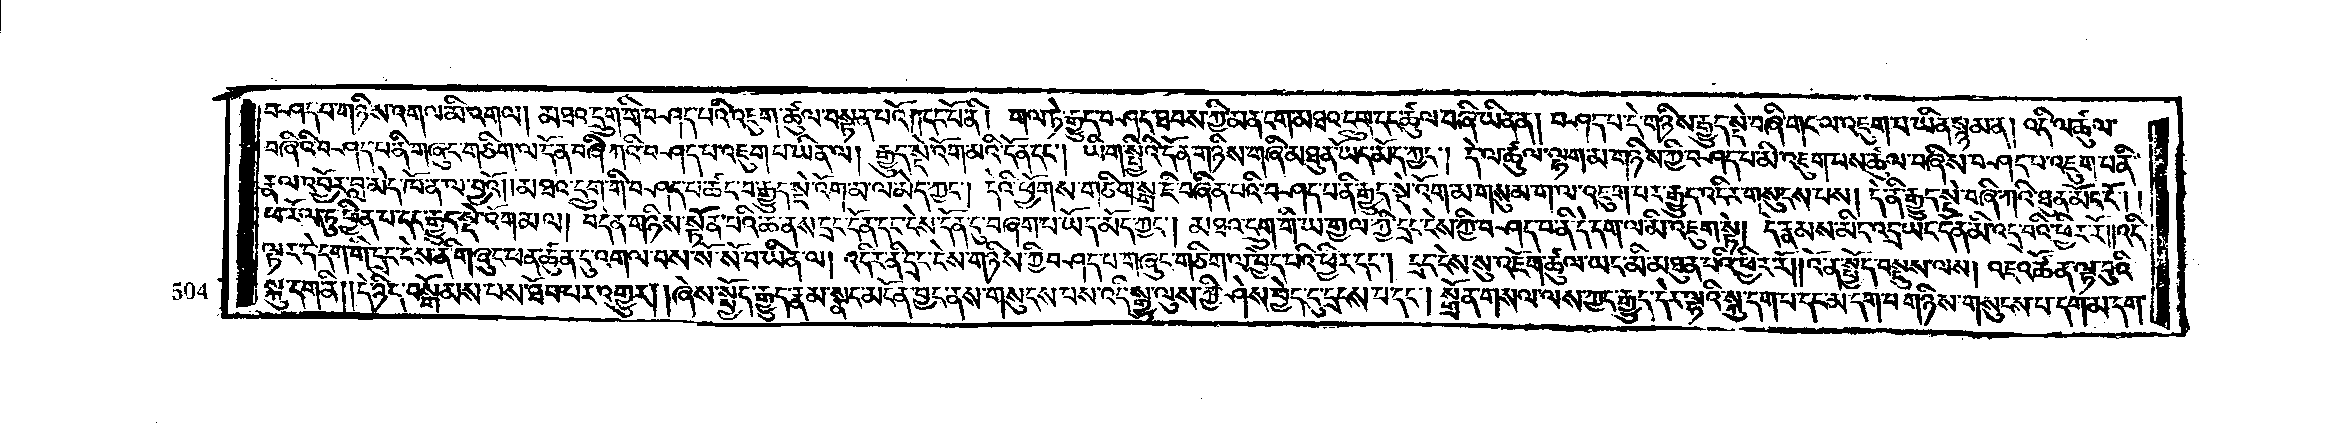བཤད་པ་གཉིས་འགལ་མི་འགལ། མཐའ་དྲུག་གི་བཤད་པའི་འཇུག་ཚུལ་བསྟན་པའོ། །དང་པོ་ནི། གལ་ཏེ་རྒྱུད་བཤད་ཐབས་ཀྱི་མན་ངག་མཐའ་དྲུག་དང་ཚུལ་བཞི་ཡིན་ན། བཤད་པ་དེ་གཉིས་རྒྱུད་སྡེ་བཞི་གང་ལ་འཇུག་པ་ཡིན་སྙམ་ན། འདི་ལ་ཚུལ་
བཞིའི་བཤད་པ་ནི་གཞུང་གཅིག་ལ་དོན་བཞི་ཀའི་བཤད་པ་འཇུག་པ་ཡིན་ལ། རྒྱུད་སྡེ་འོག་མའི་དོན་དང་། ཡིག་སྤྱིའི་དོན་གཉིས་གཞི་མཐུན་ཡོད་མོད་ཀྱང་། དེ་ལ་ཚུལ་ལྷག་མ་གཉིས་ཀྱི་བཤད་པ་མི་འཇུག་པས་ཚུལ་བཞིས་བཤད་པ་འཇུག་པ་ནི་
རྣལ་འབྱོར་བླ་མེད་ཁོ་ན་ལ་བྱའོ། །མཐའ་དྲུག་གི་བཤད་པ་ཚང་བ་རྒྱུད་སྡེ་འོག་མ་ལ་མེད་ཀྱང་། དེའི་ཕྱོགས་གཅིག་སྒྲ་ཇི་བཞིན་པའི་བཤད་པ་ནི་རྒྱུད་སྡེ་འོག་མ་གསུམ་ག་ལ་འཇུག་པར་རྒྱུད་འདིར་གསུངས་པས། དེ་ནི་རྒྱུད་སྡེ་བཞི་ཀའི་ཐུན་མོང་ངོ། །
ཕ་རོལ་ཏུ་ཕྱིན་པ་དང་རྒྱུད་སྡེ་འོག་མ་ལ། བདེན་གཉིས་སྟོན་པའི་ཆ་ནས་དྲང་དོན་དང་ངེས་དོན་དུ་བཞག་པ་ཡོད་མོད་ཀྱང་། མཐའ་དྲུག་གི་ཡ་གྱལ་ཀྱི་དྲང་ངེས་ཀྱི་བཤད་པ་ནི་དེ་དག་ལ་མི་འཇུག་སྟེ། དེ་རྣམས་མིང་འདྲ་ཡང་དོན་མི་འདྲ་བའི་ཕྱིར་རོ། །འདི་
ལྟར་དེ་དག་གི་དྲང་ངེས་ནི་གཞུང་ཕན་ཚུན་དུ་འགལ་བས་སོ་སོ་བ་ཡིན་ལ། འདིར་ནི་དྲང་ངེས་གཉིས་ཀྱི་བཤད་པ་གཞུང་གཅིག་ལ་བྱེད་པའི་ཕྱིར་དང་། དྲང་ངེས་སུ་འཇོག་ཚུལ་ཡང་མི་མཐུན་པའི་ཕྱིར་རོ། །འོ་ན་སྤྱོད་བསྡུས་ལས། འཇའ་ཚོན་ལྟ་བུའི་
སྐུ་དག་ནི། །དེ་ཉིད་བསྒོམས་པས་ཐོབ་པར་འགྱུར། །ཞེས་སྤྱོད་རྒྱུད་རྣམ་སྣང་མངོན་བྱང་ནས་གསུངས་པས་འདི་སྒྱུ་ལུས་ཀྱི་ཤེས་བྱེད་དུ་དྲངས་པ་དང་། སྒྲོན་གསལ་ལས་ཀྱང་རྒྱུད་དེར་ལྷའི་སྐུ་དག་པ་དང་མ་དག་པ་གཉིས་གསུངས་པ་དག་མ་དག་